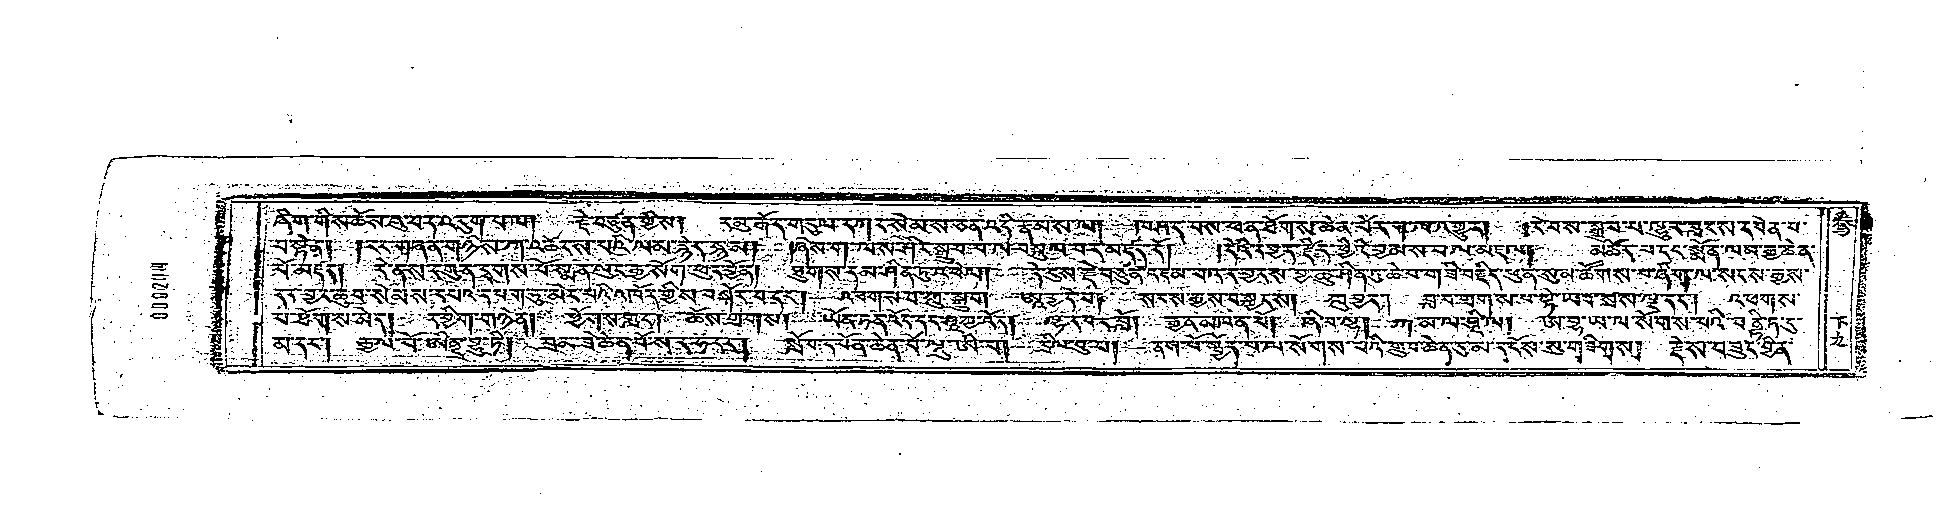ཞིག་གིས་ཆོས་ཞུ་བར་འདུག་པ་ལ། རྗེ་བཙུན་གྱིས། དམུ་རྒོད་གདུལ་དཀར་སེམས་ཅན་འདི་རྣམས་ལ། །བཤད་པས་ཕན་ཐོགས་ཆེན་པོར་ག་ལ་འགྱུར། །དེ་བས་སྒྲུབ་པ་ལྷུར་བླངས་དབེན་པ་
བསྟེན། །རང་གཞན་གཉིས་ཀ་འཚེངས་པའི་ལམ་རྙེད་སྙམ། །ཞེས་ག་ལས་ཤིང་སྒྲུབ་པ་ལ་བསྐུལ་བར་མཛད་དོ། །དེའི་དབྱད་རྫིད་ཕྱིའི་བྱམས་བ་ལ་མཇལ། མཆོད་པ་དང་སྨོན་ལམ་རྒྱ་ཆེན་
པོ་མཛད། དེ་ནས་དགུན་དྭགས་པོ་སྨན་ལུང་རྒྱ་སོག་ཕུར་བྱོན། ཐུགས་དམ་ཤིན་ཏུ་འཕེལ། དེ་དུས་རྗེ་བཙུན་འཇམ་པའི་དབྱངས་བྱ་ཆུ་ཤིན་ཏུ་ཆེ་བ་གཟི་བརྗིད་ཕུན་སུམ་ཚོགས་པ་ཞིག་ལ་སངས་རྒྱས་
དང་བྱང་ཆུབ་སེམས་དཔའ་དཔག་ཏུ་མེད་པའི་འཁོར་གྱིས་བསྐོར་བ་དང་། འཕགས་པ་ཀླུ་སྒྲུབ། ཨཱརྱ་དེ་བ། སངས་རྒྱས་བསྐྱངས། ཀླུ་བྱང་། བླ་བ་གྲགས་པ་སྟེ་ཡབ་སྲས་ལྔ་དང་། འཕགས་
པ་ཐོགས་མེད། དབྱིག་གཉེན། ཕྱོགས་གླང་། ཆོས་གྲགས། ཡོན་ཏན་འོད་དང་ཤཱཀྱ་འོད། ལྷ་དབང་བློ། རྒྱན་མཁན་པོ། ཞི་བ་ལྷ། ཀ་མ་ལ་ཤཱི་ལ། ཨ་བྷ་ཡ་ལ་སོགས་པའི་པནྟི་ཏ་དུ་
མ་དང་། རྒྱལ་པོ་ཨིནྡྲ་བྱུ་ཏི། བྲམ་ཟེ་ཆེན་པོ་ས་ར་ཧ་དང་། སློབ་དཔོན་ཆེན་པོ་ལཱུ་ཨི་པ། དྲིལ་བུ་པ། ནག་པོ་སྤྱོད་པ་ལ་སོགས་པའི་གྲུབ་ཆེན་དུ་མ་དངོས་སུ་གཟིགས། རྗེས་བཟུང་བྱིན་